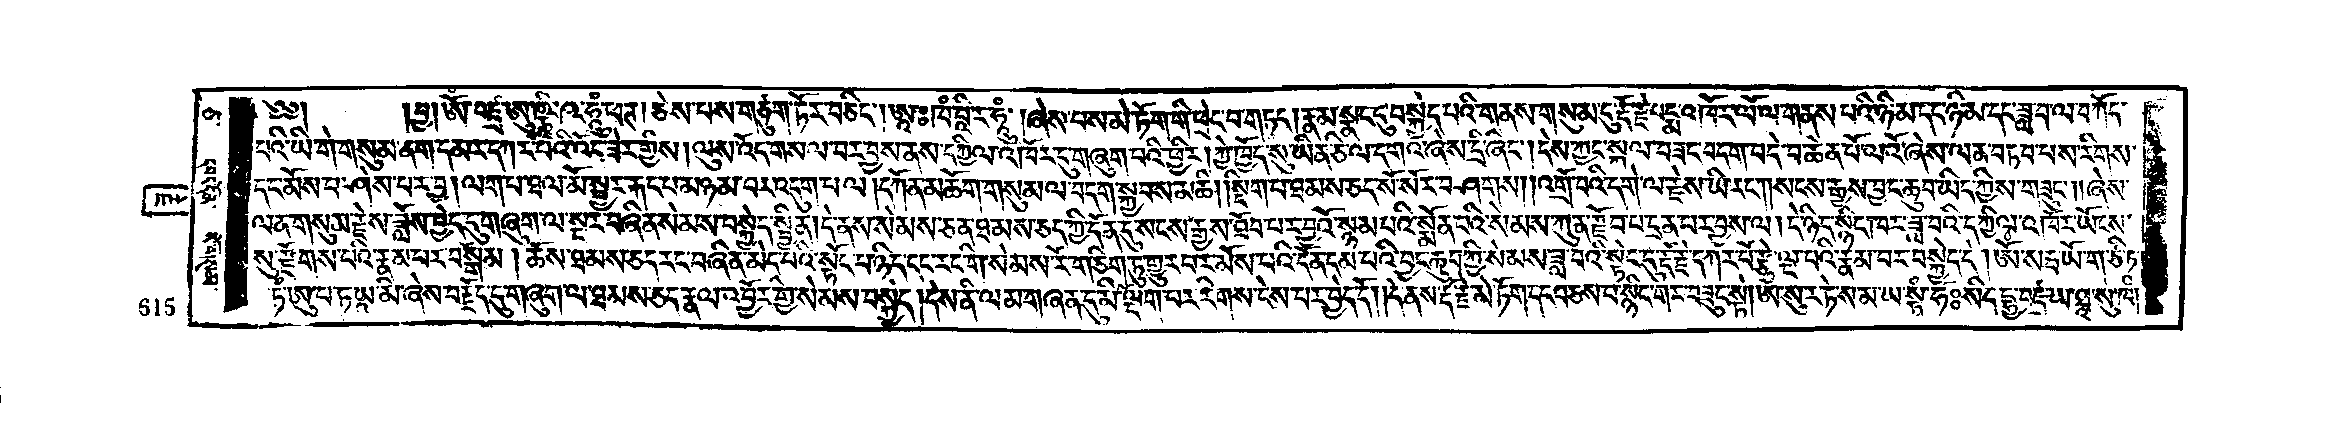༄༅། །བྱ། ཨོཾ་བཛྲ་ཨུ་ཥྞཱི་ཥ་ཧཱུཾ་ཕཊ། ཅེས་པས་གཙུག་ཏོར་བཅིང་། ཨཱཿ ཁཾ་བའི་ར་ཧཱུཾ། ཞེས་པས་མེ་ཏོག་གི་ཕྲེང་བ་གཏད། རྣམ་སྣང་དུ་བསྐྱེད་པའི་གནས་གསུམ་དུ་རྡོ་རྗེ་པདམ་འཁོར་ལོ་ལ་གནས་པའི་ཉི་མ་དང་ཉི་མ་དང་ཟླ་བ་ལ་བཀོད་
པའི་ཡི་གེ་གསུམ་ནག་དམར་དཀར་པོའི་འོད་ཟེར་གྱིས། ལུས་འོད་གསལ་བར་བྱས་ནས་དཀྱིལ་འཁོར་དུ་གཞུག་པའི་ཕྱིར། ཀྱེ་ཁྱོད་སུ་ཡིན་ཅི་ལ་དགའ་ཞེས་དྲི་ཞིང་། དེས་ཀྱང་སྐལ་བཟང་བདག་བདེ་བ་ཆེན་པོ་ལའོ་ཞེས་ལན་བཏབ་པས་རིགས་
དང་མོས་པ་ཤེས་པར་བྱ། ལག་པ་ཐལ་མོ་སྦྱར་རྐང་པ་མཉམ་པར་འདུག་པ་ལ། དཀོན་མཆོག་གསུམ་ལ་བདག་སྐྱབས་མཆི། །སྡིག་པ་ཐམས་ཅད་སོ་སོར་བཤགས། །འགྲོ་བའི་དགེ་ལ་རྗེས་ཡི་རང་། །སངས་རྒྱས་བྱང་ཆུབ་ཡིད་ཀྱིས་གཟུང་། །ཞེས་
ལན་གསུམ་རྗེས་ཟློས་བྱེད་དུ་གཞུག་ལ་སྔར་བཞིན་སེམས་བསྐྱེད་སྦྱིན། དེ་ནས་སེམས་ཅན་ཐམས་ཅད་ཀྱི་དོན་དུ་སངས་རྒྱས་ཐོབ་པར་བྱའོ་སྙམ་པའི་སྨོན་པའི་སེམས་ཀུན་རྫོབ་པ་དྲན་པར་བྱས་ལ། དེ་ཉིད་སྙིང་ཁར་ཟླ་བའི་དཀྱིལ་འཁོར་ཡོངས་
སུ་རྫོགས་པའི་རྣམ་པར་བསྒོམ། ཆོས་ཐམས་ཅད་རང་བཞིན་མེད་པའི་སྟོང་པ་ཉིད་དང་རང་གི་སེམས་རོ་གཅིག་ཏུ་གྱུར་པར་མོས་པའི་དོན་དམ་པའི་བྱང་ཆུབ་ཀྱི་སེམས་ཟླ་བའི་སྟེང་དུ་རྡོ་རྗེ་དཀར་པོ་རྩེ་ལྔ་པའི་རྣམ་པར་བསྐྱེད་དེ། ཨོཾ་སརྦ་ཡོ་ག་ཙི་ཏ་
ཏཾ་ཨུ་པ་ཏ་ཡཱ་མི་ཞེས་བརྗོད་དུ་གཞུག་ལ་ཐམས་ཅད་རྣལ་འབྱོར་གྱི་སེམས་བསྐྱེད། དེས་ནི་ལམ་གཞན་དུ་མི་ལྡོག་པར་རིགས་ངེས་པར་བྱེད་དོ། །དེ་ནས་རྡོ་རྗེ་མེ་ཏོག་དང་བཅས་པ་སྙིང་གར་བཟུང་སྟེ། ཨོཾ་སུ་ར་ཏེ་ས་མ་ཡ་སྟྭཾ་ཧོཿ སིད་དྷྱ་བཛྲ་ཡ་ཐཱ་སུ་ཁཾ།